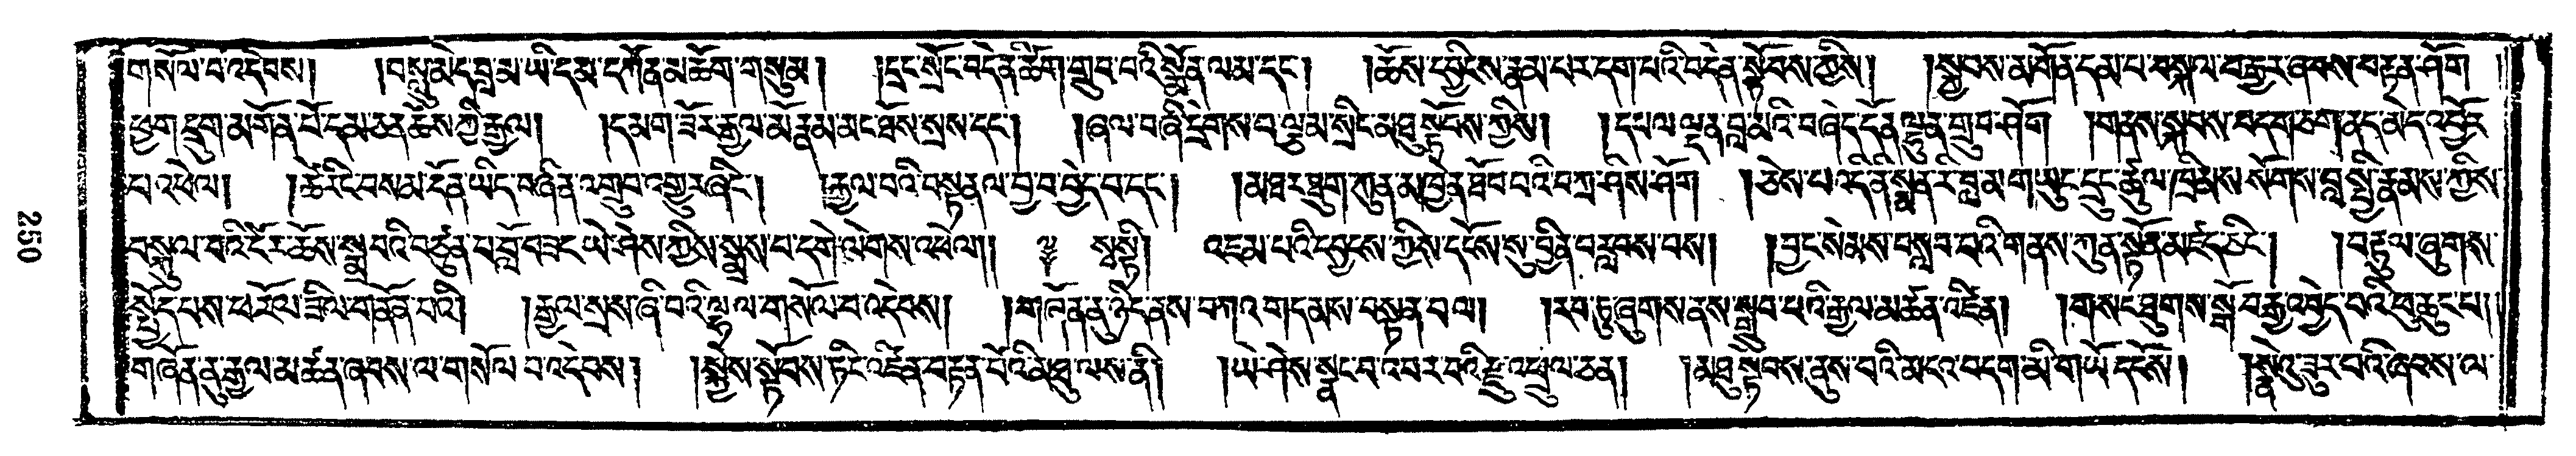གསོལ་བ་འདེབས། །བསླུ་མེད་བླ་མ་ཡི་དམ་དཀོན་མཆོག་གསུམ། །དྲང་སྲོང་བདེན་ཚིག་གྲུབ་པའི་སྨོན་ལམ་དང་། །ཆོས་དབྱིངས་རྣམ་པར་དག་པའི་བདེན་སྟོབས་ཀྱིས། །སྐྱབས་མགོན་དམ་པ་བསྐལ་བརྒྱར་ཞབས་བརྟན་ཤོག །
ཕྱག་དྲུག་མགོན་པོ་དམ་ཅན་ཆོས་ཀྱི་རྒྱལ། །དམག་ཟོར་རྒྱལ་མོ་རྣམ་མང་ཐོས་སྲས་དང་། །ཞལ་བཞི་དྲེགས་བ་ལྕམ་སྲིང་མཐུ་སྟོབས་ཀྱིས། །དཔལ་ལྡན་བླ་མའི་བཞེད་དོན་ལྷུན་གྲུབ་ཤོག །གནས་སྐབས་བདག་ཅག་ནད་མེད་འབྱོར་
པ་འཕེལ། །ཚེ་རིང་བསམ་དོན་ཡིད་བཞིན་འགྲུབ་འགྱུར་ཞིང་། །རྒྱལ་བའི་བསྟན་ལ་བྱ་བ་བྱེད་བ་དང་། །མཐར་ཐུག་ཀུན་མཁྱེན་ཐོབ་པའི་བཀྲ་ཤིས་ཤོག །ཅེས་པ་འདི་ནི་སྨན་རི་བླ་མ་གཡུང་དྲུང་ཚུལ་ཁྲིམས་སོགས་བླ་སྤྱི་རྣམས་ཀྱིས་
བསྐུལ་བའི་ངོར་ཆོས་སྨྲ་བའི་བཙུན་པ་བློ་བཟང་ཡེ་ཤེས་ཀྱིས་སྨྲས་པ་དགེ་ལེགས་འཕེལ།། ༈ སྭསྟི། འཇམ་པའི་དབྱངས་ཀྱིས་དངོས་སུ་བྱིན་བརླབས་བས། །བྱང་སེམས་བསླབ་བའི་གནས་ཀུན་སྟོན་མཛད་ཅིང་། །བརྟུལ་ཞུགས་
སྤྱོད་པས་ཕ་རོལ་ཟིལ་གནོན་པའི། །རྒྱལ་སྲས་ཞི་བའི་ལྷ་ལ་གསོལ་བ་འདེབས། །གཞོན་ནུ་ཉིད་ནས་བཀའ་གདམས་བསྟན་བ་ལ། །རབ་ཏུ་ཞུགས་ནས་སྒྲུབ་པའི་རྒྱལ་མཚན་འཛིན། །གསང་ཐུགས་སྒོ་བརྒྱ་འབྱེད་བའི་ཕུ་ཆུང་པ། །
གཞོན་ནུ་རྒྱལ་མཚན་ཞབས་ལ་གསོལ་བ་འདེབས། །སྐྱེས་སྟོབས་ཏིང་འཛིན་བརྟན་པོའི་མཐུ་ལས་ནི། །ཡེ་ཤེས་སྣང་བ་འབར་བའི་རྫུ་འཕྲུལ་ཅན། །མཐུ་སྟོབས་ནུས་པའི་མངའ་བདག་མི་གཡོ་དངོས། །སྣེའུ་ཟུར་བའི་ཞབས་ལ་